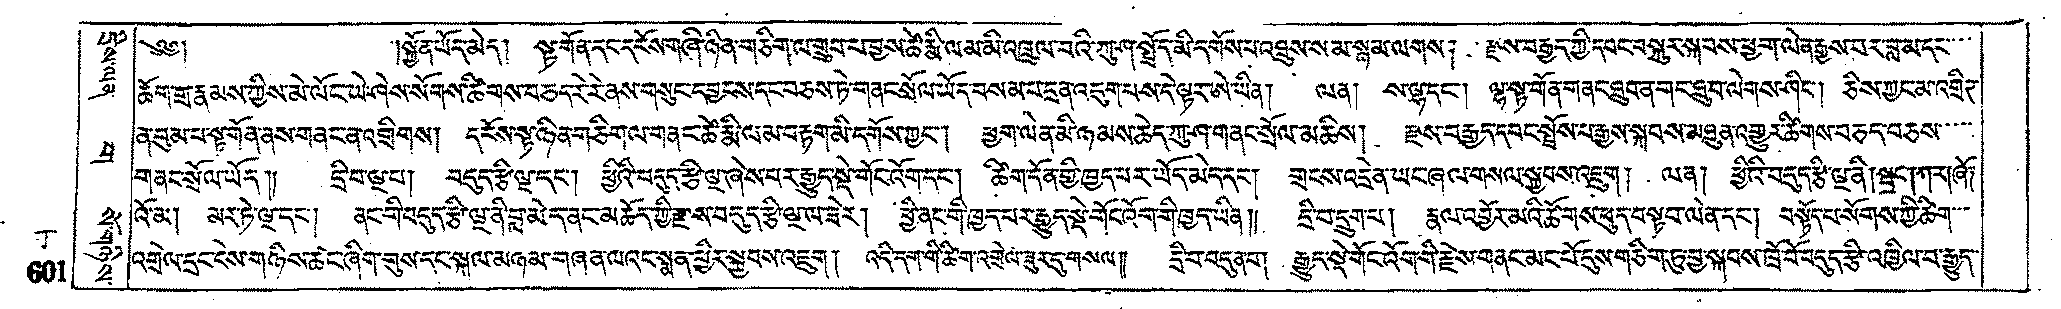༄༅། །སྐྱོན་ཡོད་མེད། སྟ་གོན་དང་དངོས་གཞི་ཉིན་གཅིག་ལ་གྲུབ་པ་བྱས་ཚེ་རྨི་ལམ་མི་འཁྲུལ་བའི་ཀུ་ཤ་སྤྲོད་མི་དགོས་པ་འཐུས་སམ་སྙམ་ལགས། རྫས་བརྒྱད་ཀྱི་དབང་བསྐུར་སྐབས་ཕྱག་ལེན་རྒྱས་པར་བླ་མ་དང་་་
ཆོག་གྲ་རྣམས་ཀྱིས་མེ་ལོང་ཡེ་ཤེས་སོགས་ཚིགས་བཅད་རེ་རེ་ནས་གསུང་དབྱངས་དང་བཅས་ཏེ་གནང་སྲོལ་ཡོད་བསམ་པ་དྲན་འདུག་པས་དེ་ལྟར་ཨེ་ཡིན། ལན། ས་ལྷ་དང་། ལྷ་སྟ་གོན་གནང་ཐུབ་ན་གང་ཐུབ་ལེགས་ཤིང་། ཅིས་ཀྱང་མ་འགྲིཌ་
ན་བུམ་པ་སྟ་གོན་ནས་གནང་མ་འགྲིགས། དངོས་སྟ་ཉིན་གཅིག་ལ་གནང་ཚེ་རྨི་ལམ་བརྟག་མི་དགོས་ཀྱང་། ཕྱག་ལེན་མི་ཉམས་ཆེད་ཀུ་ཤ་གནང་སྲོལ་མཆིས། རྫས་བརྒྱད་དབང་སྤྲོས་པ་རྒྱས་སྐབས་མཐུན་འགྱུར་ཚིགས་བཅད་བཅས་་་
གནང་སྲོལ་ཡོད།། དྲི་བ་ལྔ་པ། བདུད་རྩི་ལྔ་དང་། ཕྱིའི་བདུད་རྩི་ལྔ་ཞེས་པར་རྒྱུད་སྡེ་གོང་འོག་དང་། ཚིག་དོན་གྱི་ཁྱད་པར་ཡོད་མེད་དང་། གྲངས་འདྲེན་ཡང་ཞལ་གསལ་སྐྱབས་འཇུག། ལན། ཕྱིའི་བདུད་རྩི་ལྔ་ནི། སྦྲང་། ཀ་ར། ཞོ༑
འོ་མ། མར་ཏེ་ལྔ་དང་། ནང་གི་བདུད་རྩི་ལྔ་ནི་བླ་མེད་ནང་མཆོད་ཀྱི་རྫས་བདུད་རྩི་ལྔ་ལ་ཟེར། ཕྱི་ནང་གི་ཁྱད་པར་རྒྱུད་སྡེ་གོང་འོག་གི་ཁྱད་ཡིན།། དྲི་བ་དྲུག་པ། རྣལ་འབྱོར་མའི་ཚོགས་ཕུད་བསྟབ་ལེན་དང་། བསྟོད་པ་སོགས་ཀྱི་ཚིག་་་
འགྲེལ་དྲང་ངེས་གཉིས་ཚང་ཞིག་གུས་དང་སྐལ་མཉམ་གཞན་ལའང་སྨན་ཕྱིར་སྐྱབས་འཇུག། འདི་དག་གི་ཚིག་འགྲེལ་ཟུར་དུ་གསལ།། དྲི་བ་བདུན་པ། རྒྱུད་སྡེ་གོང་འོག་གི་རྗེས་གནང་མང་པོ་དུས་གཅིག་ཏུ་བྱ་སྐབས་ཁྲོ་བོ་བདུད་རྩི་འཁྱིལ་བ་རྒྱུད་་་